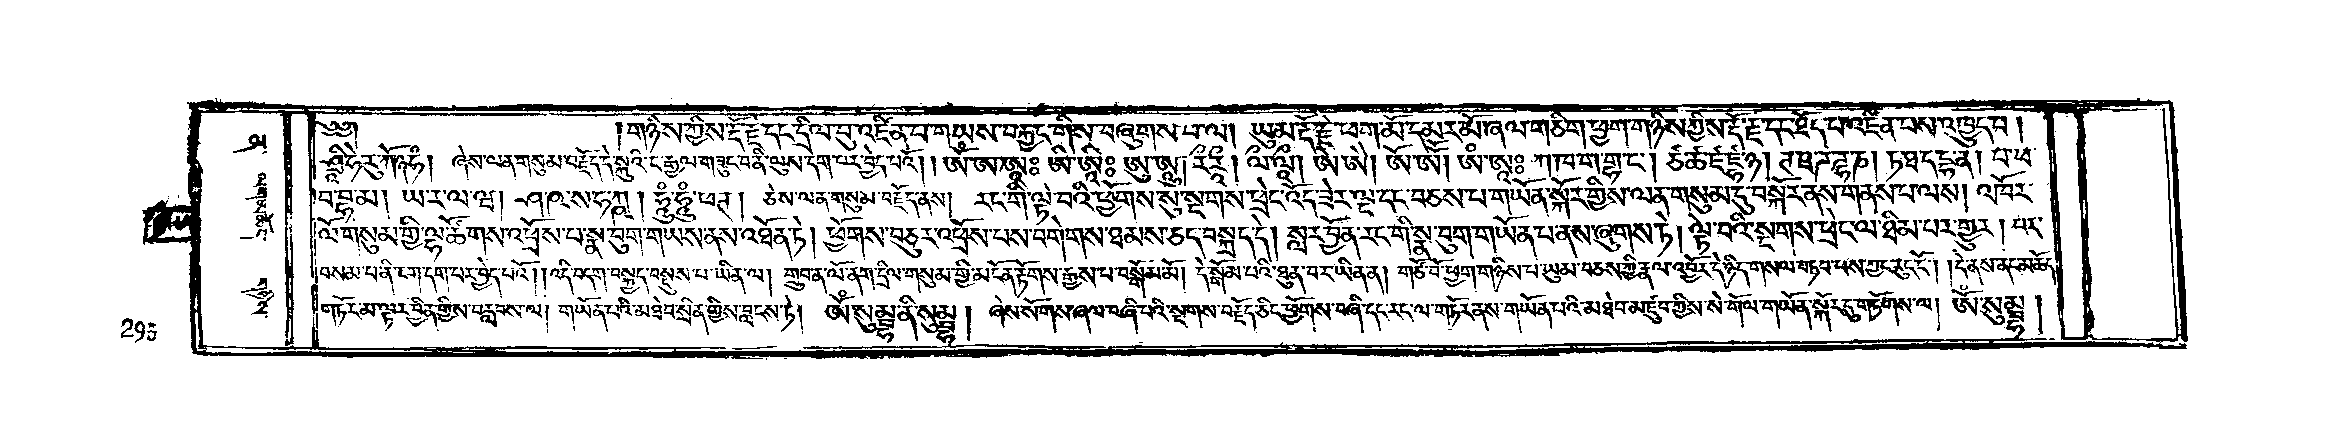༄༅། །གཉིས་ཀྱིས་རྡོ་རྗེ་དང་དྲིལ་བུ་འཛིན་པ་གཡས་བརྐྱང་གིས་བཞུགས་པ་ལ། ཡུམ་རྡོ་རྗེ་ཕག་མོ་དམར་མོ་ཞལ་གཅིག་ཕྱག་གཉིས་ཀྱིས་རྡོ་རྗེ་དང་ཐོད་པ་འཛིན་པས་འཁྱུད་པ།
ཤྲཱི་ཧེ་རུ་ཀོཉ་ཧཾ། ཞེས་ལན་གསུམ་བརྗོད་དེ་སྐུའི་ང་རྒྱལ་གཟུང་བ་ནི་ལུས་དག་པར་བྱེད་པའོ།  །ཨོཾ་ཨ་ཨཱཿ ཨི་ཨཱིཿ ཨུ་ཨཱུ། རྀ་རཱྀ། ལྀ་ལཱྀ། ཨེ་ཨཻ། ཨོ་ཨཽ། ཨཾ་ཨཱཿ ཀ་ཁ་ག་གྷ་ང་། ཙ་ཚ་ཛ་ཛྷ་ཉ། ཊ་ཊཿཨ་ཌ་ཌྷ་ཎ། ཏ་ཐ་ད་དྷ་ན། པ་ཕ་
བ་བྷ་མ། ཡ་ར་ལ་ཝ། ཤ་ཥ་ས་ཧ་ཀྵ། ཧཱུཾ་ཧཱུཾ་ཕཊ། ཅེས་ལན་གསུམ་བརྗོད་ནས།  རང་གི་ལྟེ་བའི་ཕྱོགས་སུ་སྔགས་ཕྲེང་འོད་ཟེར་ལྔ་དང་བཅས་པ་གཡོན་སྐོར་གྱིས་ལན་གསུམ་དུ་བསྐོར་ནས་གནས་པ་ལས། འཁོར་
ལོ་གསུམ་གྱི་ལྷ་ཚོགས་འཕྲོས་པ་སྣ་བུག་གཡས་ནས་འཐོན་ཏེ། ཕྱོགས་བཅུར་འཕྲོས་པས་བགེགས་ཐམས་ཅད་བསྐྲད་དེ། སླར་བྱོན་རང་གི་སྣ་བུག་གཡོན་པ་ནས་ཞུགས་ཏེ། ལྟེ་བའི་སྔགས་ཕྲེང་ལ་ཐིམ་པར་གྱུར། པར་
བསམ་པ་ནི་ངག་དག་པར་བྱེད་པའོ། །འདི་བདག་བསྐྱེད་བསྡུས་པ་ཡིན་ལ། གྲུབ་ན་ལོ་ནག་དྲིལ་གསུམ་གྱི་མངོན་རྟོགས་རྒྱས་པ་བསྒོམ་མོ། དེ་སྒོམ་པའི་ཐུན་པར་ཡིན་ན། གཙོ་བོ་ཕྱག་གཉིས་པ་ཡུམ་བཅས་ཀྱི་རྣལ་འབྱོར་དེ་ཉིད་གསལ་བཏབ་པས་ཀྱང་རུང་ངོ། །དེ་ནས་ནང་མཆོད་
གཏོར་མ་ལྟར་བྱིན་གྱིས་བརླབས་ལ། གཡོན་པའི་མཐེབ་སྲིན་གྱིས་བླངས་ཏེ། ཨོཾ་སུམྦྷ་ནི་སུམྦྷ། ཞེས་སོགས་ཞལ་བཞི་པའི་སྔགས་བརྗོད་ཅིང་ཕྱོགས་བཞི་དང་རང་ལ་གཏོར་ནས་གཡོན་པའི་མཐེབ་མཛུབ་ཀྱིས་སེ་གོལ་གཡོན་སྐོར་དུ་གཏོགས་ལ།  ཨོཾ་སུམྦྷ།